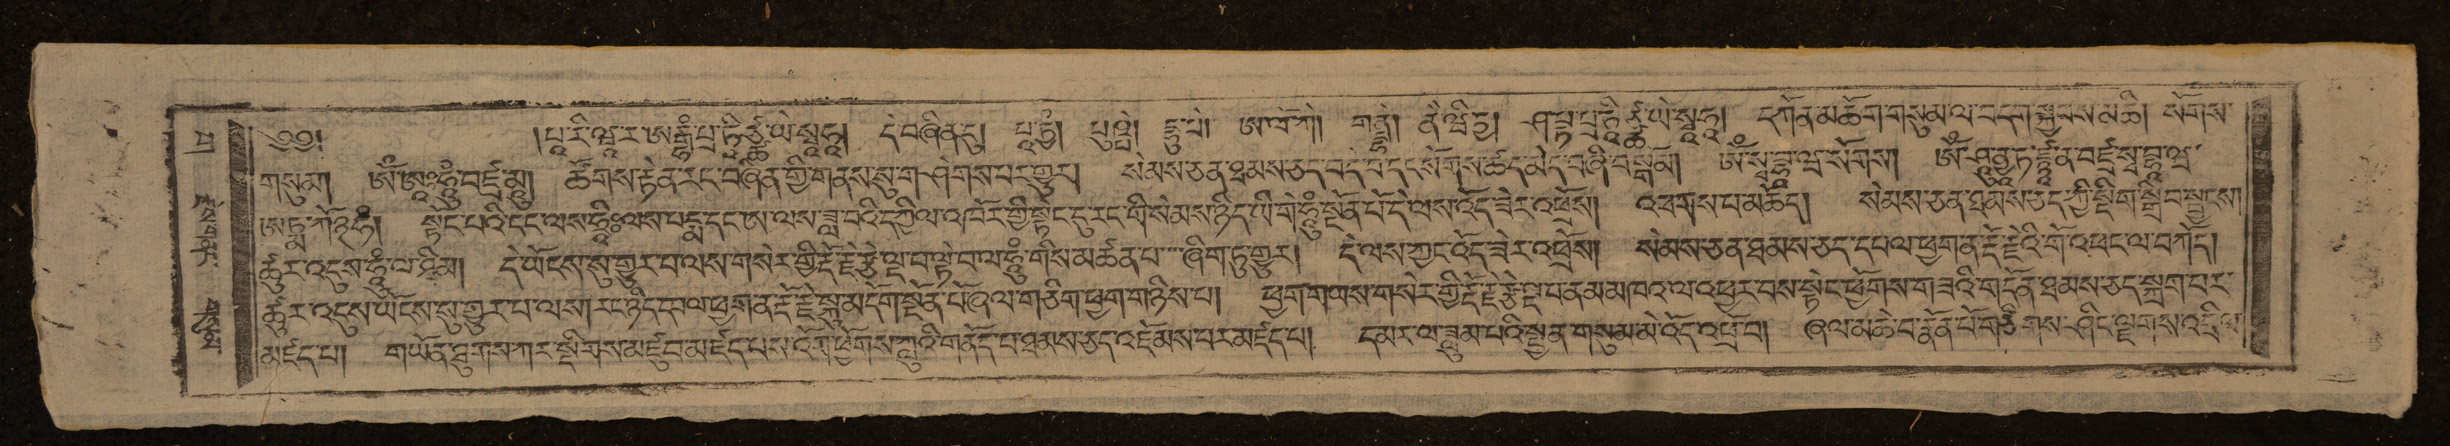༄༅། །པཱ་རི་ཝཱ་ར་ཨརྒྷཾ་པྲ་ཏཱིཙྪ་ཡེ་སྭཱཧཱ། དེ་བཞིན་དུ། པཱ་ཏྱཾ། པུཥྤེ། དྷུ་པེ། ཨ་ལོ་ཀེ། གནྡྷེ། ནཻ་ཝི་དྱ། ཤ་པྟ་པྲ་ཏཱིཙྪ་ཡེ་སྭཱཧཱ། དཀོན་མཆོག་གསུམ་ལ་བདག་སྐྱབས་མཆི། སོགས་
གསུམ། ཨོཾ་ཨཱཿཧཱུཾ་བཛྲ་མཱུ། ཚོགས་རྟེན་རང་བཞིན་གྱི་གནས་སུ་གཤེགས་པར་གྱུར། སེམས་ཅན་ཐམས་ཅད་བདེ་བ་དང་སོགས་ཚད་མེད་བཞི་བསྒོམ། ཨོཾ་སྭ་བྷ་ཝ་སོགས། ཨོཾ་ཤཱུ་ནྱཱ་ཏ་ཛྙཱ་ན་བཛྲ་སྭ་བྷཱ་ཝ་
ཨཎཱ་ཀོཉྷཾ། སྟོང་པའི་ངང་ལས་ཧྲཱིཿལས་པདམ་དང་ཨ་ལས་ཟླ་བའི་དཀྱིལ་འཁོར་གྱི་སྟེང་དུ་རང་གི་སེམས་ཉིད་ཡི་གེ་ཧཱུཾ་སྔོན་པོ་དེ་ལས་འོད་ཟེར་འཕྲོས། འཕགས་པ་མཆོད། སེམས་ཅན་ཐམས་ཅད་ཀྱི་སྡིག་སྒྲིབ་སྦྱངས།
ཚུར་འདུས་ཧཱུཾ་ལ་ཐིམ། དེ་ཡོངས་སུ་གྱུར་པ་ལས་གསེར་གྱི་རྡོ་རྗེ་རྩེ་ལྔ་པ་ལྟ་བ་ལ་ཧཱུཾ་གིས་མཚན་པ་ཞིག་ཏུ་གྱུར། དེ་ལས་ཀྱང་འོད་ཟེར་འཕྲོས། སེམས་ཅན་ཐམས་ཅད་དཔལ་ཕྱག་ན་རྡོ་རྗེའི་གོ་འཕང་ལ་བཀོད།
ཚུར་འདུས་ཡོངས་སུ་གྱུར་པ་ལས། རང་ཉིད་དཔལ་ཕྱག་ན་རྡོ་རྗེ་སྐུ་མདོག་སྔོན་པོ་ཞལ་གཅིག་ཕྱག་གཉིས་པ། ཕྱག་གཡས་གསེར་གྱི་རྡོ་རྗེ་རྩེ་ལྔ་པ་ནམ་མཁའ་ལ་འཕྱར་བས་སྟེང་ཕྱོགས་གཟའི་གདོན་ཐམས་ཅད་སྒྲག་པར་
མཛད་པ། གཡོན་ཐུགས་ཀར་སྡིགས་མཛུབ་མཛད་པས་འོག་ཕྱོགས་ཀླུའི་གནོད་པ་ཐམས་ཅད་འཇོམས་པར་མཛད་པ། དམར་ལ་ཟླུམ་པའི་སྤྱན་གསུམ་མེ་འོད་འཕྲོ་བ། ཞལ་མཆེ་བ་རྣོན་པོ་གཙིགས་ཤིང་ལྗགས་འདྲིལ་